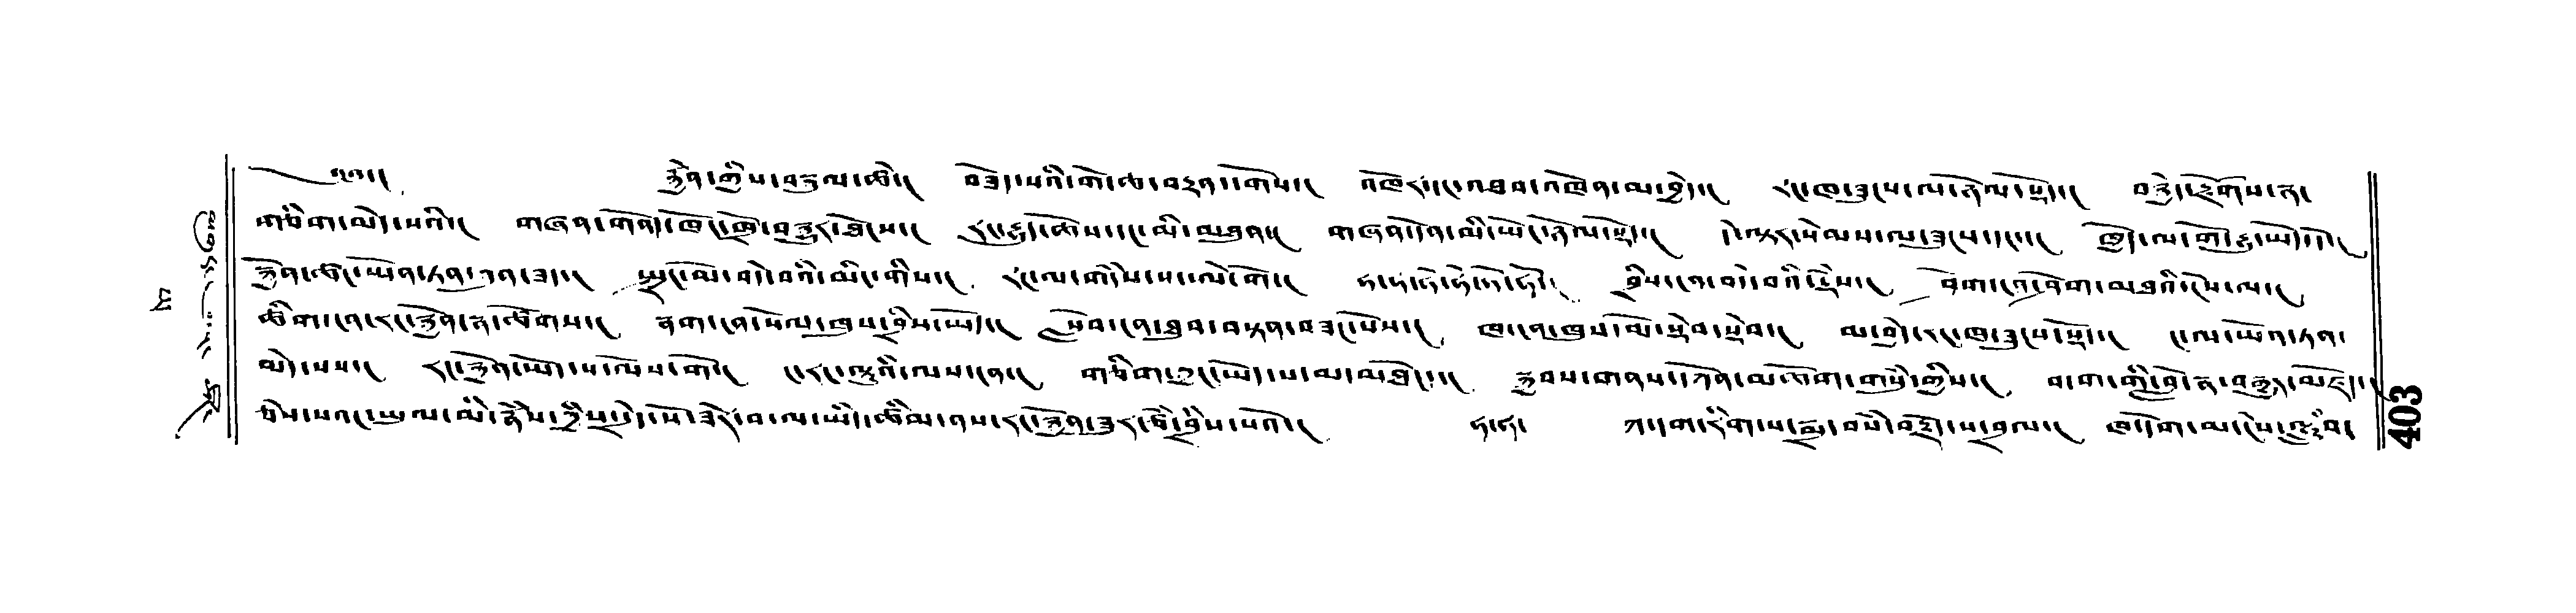རྐྱེན་གྱིས་བསྐུལ་ཚེ། །བཟོད་པའི་གོ་ཆ་བརྟན་དགོས། །འཁོར་དང་འཐབ་འཁོན་མ་བྱེད། །རང་ཁ་ཟུངས་ལ་ཉོལ་སྡོད། །བསྐྱེད་རྫོགས་སྣ་
གཅིག་མེད་པའི། །གཞན་གནོད་ཁོང་ཁྲོ་བསྐྱུར་ཐེངས། །རང་རྒྱུད་ཆོས་དང་མི་མཐུན། །གཞན་དོན་མི་ཡོང་ཉོལ་སྡོད། །དེ་ལྟར་སེམས་ལ་ཟུངས་དང་། ཁྱོད་ལ་གོ་རྒྱུ་ཡོད་དོ། །
སྐྱོན་ཚང་ཡོན་ཏན་ཀུན་ཟད། །སྤྲང་མོ་བདེ་བའི་མིང་གིས། །རང་ལ་གདམས་པ་ཨེ་གོ །ཧ་ཧ་ཧེ་ཧེ་ཧོ་ཧོ། །བྲིས་ངན་བདེ་བའི་རྡོ་རྗེས། །ཤོག་ངན་ཤོག་མཐའི་ངོས་ལ། །
ཚིག་ངན་རང་སྐྱོན་སྣ་ཚོགས། །སྣག་ངན་སོལ་ཁུས་བྲིས་ཡོད། །སློབ་ངན་ཐུབ་བསྟན་བཟང་པོ།ཁ་ངན་ཁོལ་མོ་རྡེབ་རྡེབ། །མ་བྱེད་རང་ཁ་ཟུངས་སྡོད། །ང་ལ་ཡོན་ཏན་
མེད་པས། །རང་སྐྱོན་ཡོད་པ་ལོས་གོ །ང་རང་ལྟ་བུའི་ལས་ངན། །གཅིག་ཀྱང་ཡོད་པ་མ་མཐོང་། །སྐྱབས་གནས་དཀོན་མཆོག་གསུམ་གྱིས། །བདག་གི་བློ་སྣ་བསྒྱུར་མཛོད། 
ཅེས་པའང་ཡུལ་མི་རྣམས་ཀྱིས་དྲེད་པོ་ཟེར་བ་ལ་ཡིད་ཚིམ་ནས་རང་སྐྱོན་ཟུར་ཙམ་བྲིས་པའོ།། ཧ་ཧ། ཀ་དག་རིག་པ་སྨྲ་བསམ་བརྗོད་པ་བྲལ། ཁ་དོག་མ་ངེས་ལྷུན་གྲུབ་